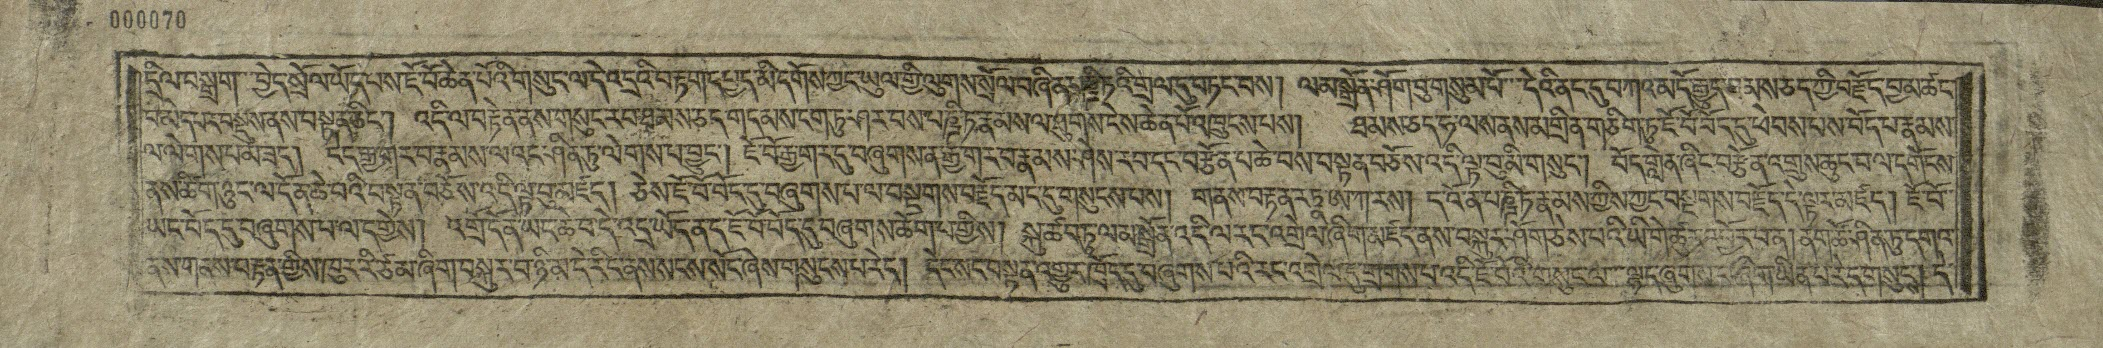དྲིལ་བསྒྲག་བྱེད་སྲོལ་ཡོད་པས་ཇོ་བོ་ཆེན་པོའི་གསུང་ལ་དེ་འདྲའི་བརྟག་དཔྱད་མི་དགོས་ཀྱང་ཡུལ་གྱི་ལུགས་སྲོལ་བཞིན་པཎྜི་ཏའི་གྲལ་དུ་བཏང་བས། ལམ་སྒྲོན་ཤོག་བུ་གསུམ་པོ་དེའི་ནང་དུ་བཀའ་མདོ་རྒྱུད་ཐམས་ཅད་ཀྱི་བརྗོད་བྱ་མ་ཚང་
བ་མེད་པར་བསྡུས་ནས་བསྟན་ཅིང་། འདི་ལ་བརྟེན་ནས་གསུང་རབ་ཐམས་ཅད་གདམས་ངག་ཏུ་ཤར་བས་པཎྜི་ཏ་རྣམས་ལ་ཐུགས་ངེས་ཆེན་པོ་འཁྲུངས་པས། ཐམས་ཅད་ཧ་ལས་ནས་མགྲིན་གཅིག་ཏུ་ཇོ་བོ་བོད་དུ་ཕེབས་པས་བོད་པ་རྣམས་
ལ་ལེགས་པ་མ་ཟད། ངེད་རྒྱ་གར་བ་རྣམས་ལའང་ཤིན་ཏུ་ལེགས་པ་བྱུང་། ཇོ་བོ་རྒྱ་གར་དུ་བཞུགས་ན་རྒྱ་གར་བ་རྣམས་ཤེས་རབ་དང་བརྩོན་པ་ཆེ་བས་བསྟན་བཅོས་འདི་ལྟ་བུ་མི་གསུང་། བོད་གླེན་ཞིང་བརྩོན་འགྲུས་ཆུང་བ་ལ་དགོངས་
ནས་ཚིག་ཉུང་ལ་དོན་ཆེ་བའི་བསྟན་བཅོས་འདི་ལྟ་བུ་མཛད། ཅེས་ཇོ་བོ་བོད་དུ་བཞུགས་པ་ལ་བསྔགས་བརྗོད་མང་དུ་གསུངས་པས། གནས་བརྟན་རཏྣ་ཨ་ཀ་རས། ད་འོ་ན་པཎྜི་ཏ་རྣམས་ཀྱིས་ཀྱང་བསྔགས་བརྗོད་དེ་ལྟར་མཛད། ཇོ་བོ་
ཡང་བོད་དུ་བཞུགས་པ་ལ་དགྱེས། འགྲོ་དོན་ཡང་ཆེ་བ་དེ་འདྲ་ཡོད་ན་ད་ཇོ་བོ་བོད་དུ་བཞུགས་ཆོག་པ་གྱིས། སྐུ་ཚབ་ཏུ་ལམ་སྒྲོན་འདི་ལ་རང་འགྲེལ་ཞིག་མཛད་ནས་བསྐུར་ཤོག་ཅེས་པའི་ཡི་གེ་ཚུར་འབྱོར་བ་ན། ནག་ཚོ་ཤིན་ཏུ་དགའ་
ནས་གནས་བརྟན་གྱིས་ཁུར་རི་ཙམ་ཞིག་བསྐུར་བ་ཉི་མ་དེ་རིང་ནས་སངས་སོང་ཞེས་གསུངས་པ་རེད། དེང་སང་བསྟན་འགྱུར་ཁྲོད་དུ་བཞུགས་པའི་རང་འགྲེལ་དུ་གྲགས་པ་འདི་ཇོ་བོའི་གསུང་ལ་ལྷད་ཞུགས་པ་ཞིག་ཡིན་པ་རེད་གསུངས། དེ་